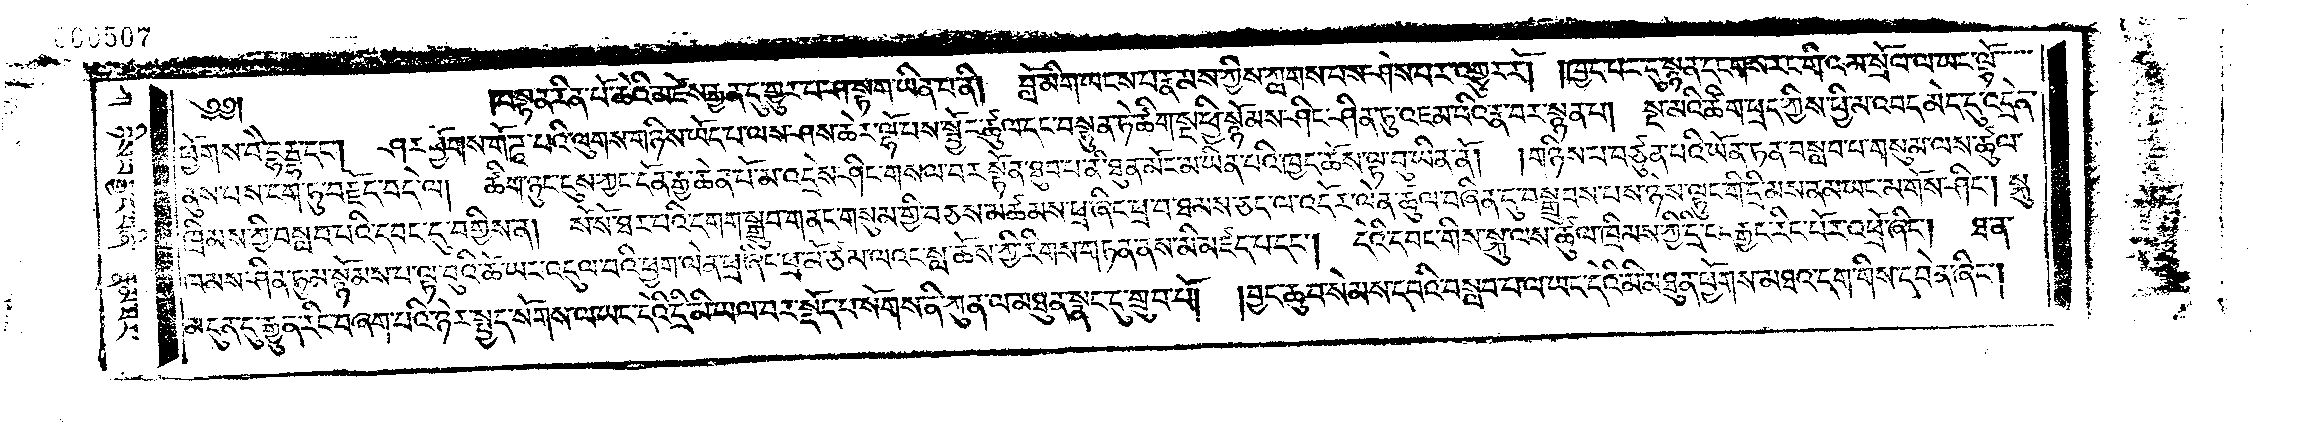༄༅། །བསྟན་རིན་པོ་ཆེའི་མཛེས་རྒྱན་དུ་གྱུར་པ་ཤ་སྟག་ཡིན་པ་ནི། བློ་མིག་ཡངས་པ་རྣམས་ཀྱིས་ཀླགས་པས་ཤེས་པར་འགྱུར་རོ། །ཁྱད་པར་དུ་སྙན་དངགས་རང་གི་ལམ་སྲོལ་ལ་ཡང་ལྷོ་
ཕྱོགས་བཻ་དྷརྦྷ་དང་། ཤར་ཕྱོགས་གོ་ཌཱ་པའི་ལུགས་གཉིས་ཡོད་པ་ལས་ཤས་ཆེར་ལྷོ་པས་སྦྱོར་ཚུལ་དང་བསྟུན་ཏེ་ཚིག་སྔ་ཕྱི་སྙོམས་ཤིང་ཤིན་ཏུ་འཇམ་པའི་རྣ་བར་སྙན་པ། སྔ་མའི་ཚིག་ཕྲད་ཀྱིས་ཕྱི་མ་འབད་མེད་དུ་འདྲེན་
ནུས་པས་ངག་ཏུ་བརྗོད་བདེ་ལ། ཚིག་ཉུང་དུས་ཀྱང་དོན་རྒྱ་ཆེན་པོ་མ་འདྲེས་ཤིང་གསལ་བར་སྟོན་ཐུབ་པ་ནི་ཐུན་མོང་མ་ཡིན་པའི་ཁྱད་ཆོས་ལྟ་བུ་ཡིན་ནོ། །གཉིས་པ་བཙུན་པའི་ཡོན་ཏན་བསླབ་པ་གསུམ་ལས་ཚུལ་
ཁྲིམས་ཀྱི་བསླབ་པའི་དབང་དུ་བགྱིས་ན། སོ་སོ་ཐར་པའི་དགག་སྒྲུབ་གནང་གསུམ་གྱི་བཅས་མཚམས་ཕྲ་ཞིང་ཕྲ་བ་ཐམས་ཅད་ལ་འདོར་ལེན་ཚུལ་བཞིན་དུ་བསྒྲུབས་པས་ཉེས་ལྟུང་གི་དྲི་མས་ནམ་ཡང་མ་གོས་ཤིང་། སྐུ་
ཁམས་ཤིན་ཏུ་མ་སྙོམས་པ་ལྟ་བུའི་ཚེ་ཡང་འདུལ་བའི་ཕྱག་ལེན་ཕྲ་ཞིང་ཕྲ་མོ་ཙམ་ལའང་སླ་ཆོས་ཀྱི་རིགས་གཏན་ནས་མི་མཛད་པ་དང་། དེའི་དབང་གིས་སྐུ་ལས་ཚུལ་ཁྲིམས་ཀྱི་དྲི་ངད་རྒྱང་རིང་པོར་འཕྲོ་ཞིང་། ཐ་ན་
མདུན་དུ་རྒྱུན་རིང་བཞག་པའི་ཉེར་སྤྱད་སོགས་ལ་ཡང་དེའི་དྲི་མི་ཡལ་བར་སྡོད་པ་སོགས་ནི་ཀུན་ལ་མཐུན་སྣང་དུ་གྲུབ་པོ། །བྱང་ཆུབ་སེམས་དཔའི་བསླབ་པ་ལ་ཡང་དེའི་མི་མཐུན་ཕྱོགས་མཐའ་དག་གིས་དབེན་ཞིང་།